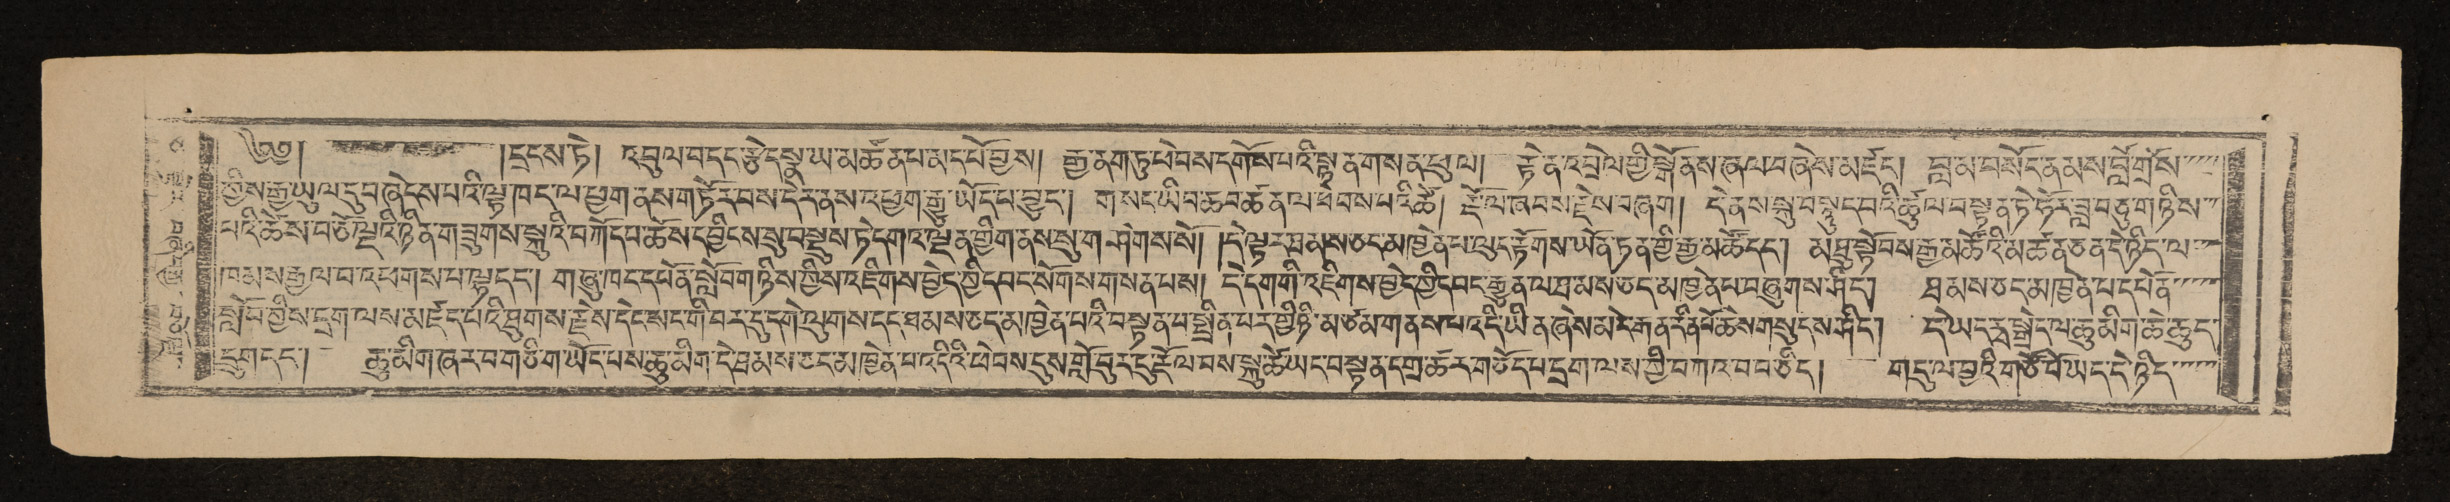༄༅། །དྲངས་ཏེ། འབུལ་བ་དང་རྩེད་སྣ་ཡ་མཚན་པ་མང་པོ་བྱས། རྒྱ་ནག་ཏུ་ཕེབས་དགོས་པའི་སྙན་གསན་ཕུལ། རྟེན་འབྲེལ་གྱི་སྒོ་ནས་ཞལ་བཞེས་མཛད། བླ་མ་བསོད་ནམས་བློ་གྲོས་
ཀྱིས་རྒྱ་ཡུལ་དུ་བཞེངས་པའི་ལྷ་ཁང་ལ་ཕྱག་ནས་གཏོར་བས་དེར་ནས་འཕྱག་རྒྱུ་ཡོད་པ་བྱུང་། གསང་ཡིབ་ཆབ་ཚན་ལ་ཕེབས་པའི་ཚེ། རྡོ་ལ་ཞབས་རྗེས་བཞག། དེ་ནས་སྐུ་བསྙུང་བའི་ཚུལ་བསྟན་ཏེ་ཧོར་ཟླ་བཅུ་གཉིས་
པའི་ཚེས་བཅོ་ལྔའི་ཉིན་གཟུགས་སྐུའི་བཀོད་པ་ཆོས་དབྱིངས་སུ་བསྡུས་ཏེ་དགའ་ལྡན་གྱི་གནས་སུ་གཤེགས་སོ། །དེ་ལྟར་ཐམས་ཅད་མཁྱེན་པ་ལུང་རྟོགས་ཡོན་ཏན་གྱི་རྒྱ་མཚོ་དང་། མཐུ་སྟོབས་རྒྱ་མཚོའི་མཚན་ཅན་དེ་ཉིད་ལ་
ཁམས་རྒྱལ་བ་འཕགས་པ་ལྷ་དང་། གཞུ་ཁང་དཔོན་སློབ་གཉིས་ཀྱིས་འཇིགས་བྱེད་ཀྱི་དབང་སོགས་གསན་པས། དེ་དག་གི་འཇིགས་བྱེད་ཀྱི་དབང་རྒྱུན་ལ་ཐམས་ཅད་མཁྱེན་པ་བཞུགས་ཤིང་། ཐམས་ཅད་མཁྱེན་པ་དཔོན་
སློབ་ཀྱིས་དྲག་ལས་མཛད་པའི་ཐུགས་རྗེས་དེང་སང་གི་བར་དུ་དགེ་ལུགས་དང་ཐམས་ཅད་མཁྱེན་པའི་བསྟན་པ་སྤྲིན་བར་གྱི་ཉི་མ་ཙམ་གནས་པ་འདི་ཡིན་ཞེས་མེར་རྒན་རིན་པོ་ཆེས་གསུངས་ཤིང་། དེ་ཡང་རྭ་སྒྲེང་ལ་ཆུ་མིག་ཆེ་ཆུང་
དྲུག་དང་། ཆུ་མིག་ཞར་བ་གཅིག་ཡོད་པས་ཆུ་མིག་དེ་ཐམས་ཅད་མཁྱེན་པ་འདིའི་ཕེབས་དུས་གློ་བུར་དུ་རྡོལ་བས་སྐུ་ཚེ་ཡང་བསྟན་དགྲ་ཚར་གཅོད་པ་དྲག་ལས་ཀྱི་བཀའ་བབ་ཅིང་། གདུལ་བྱའི་གཙོ་བོ་ཡང་དེ་ཉིད་